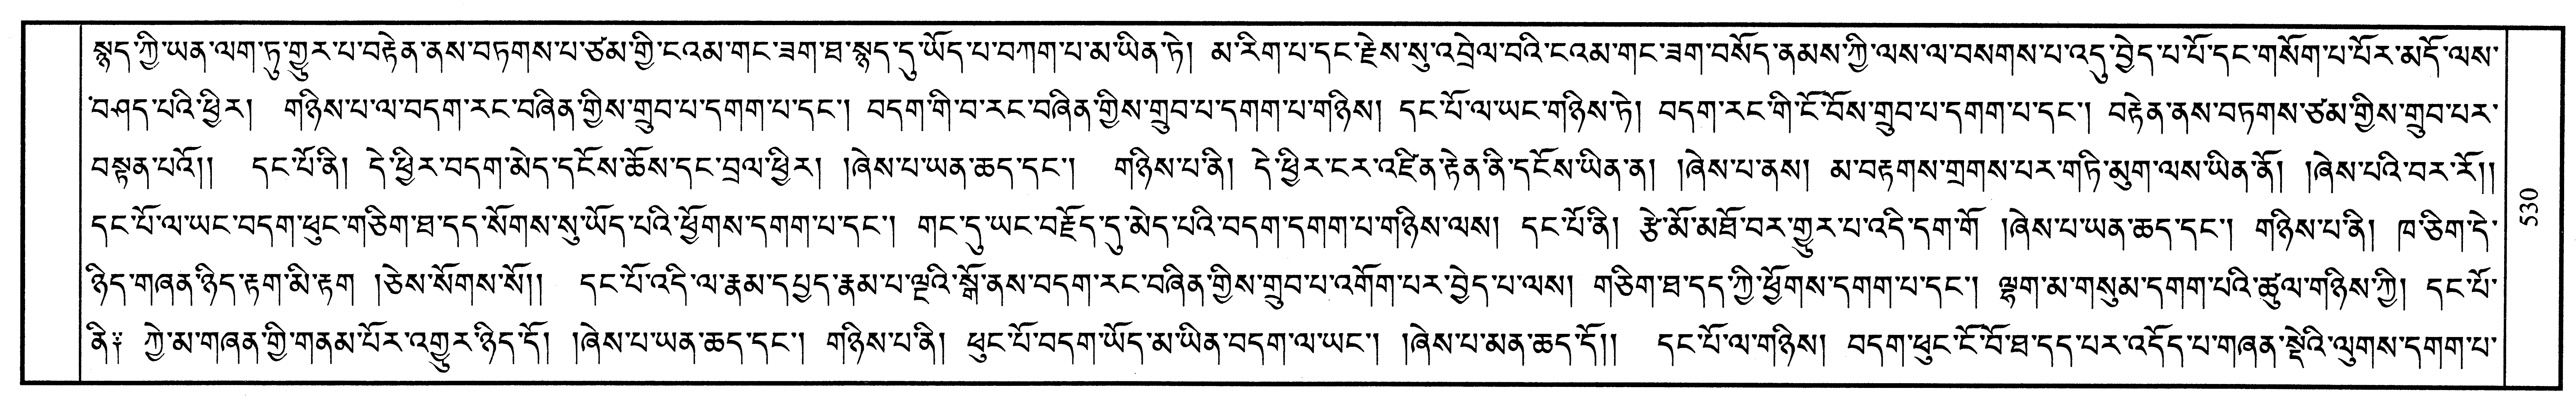སྙད་ཀྱི་ཡན་ལག་ཏུ་གྱུར་པ་བརྟེན་ནས་བཏགས་པ་ཙམ་གྱི་ངའམ་གང་ཟག་ཐ་སྙད་དུ་ཡོད་པ་བཀག་པ་མ་ཡིན་ཏེ། མ་རིག་པ་དང་རྗེས་སུ་འབྲེལ་བའི་ངའམ་གང་ཟག་བསོད་ནམས་ཀྱི་ལས་ལ་བསགས་པ་འདུ་བྱེད་པ་པོ་དང་གསོག་པ་པོར་མདོ་ལས་
བཤད་པའི་ཕྱིར། གཉིས་པ་ལ་བདག་རང་བཞིན་གྱིས་གྲུབ་པ་དགག་པ་དང་། བདག་གི་བ་རང་བཞིན་གྱིས་གྲུབ་པ་དགག་པ་གཉིས། དང་པོ་ལ་ཡང་གཉིས་ཏེ། བདག་རང་གི་ངོ་བོས་གྲུབ་པ་དགག་པ་དང་། བརྟེན་ནས་བཏགས་ཙམ་གྱིས་གྲུབ་པར་
བསྟན་པའོ།། དང་པོ་ནི། དེ་ཕྱིར་བདག་མེད་དངོས་ཆོས་དང་བྲལ་ཕྱིར། །ཞེས་པ་ཡན་ཆད་དང་། གཉིས་པ་ནི། དེ་ཕྱིར་ངར་འཛིན་རྟེན་ནི་དངོས་ཡིན་ན། །ཞེས་པ་ནས། མ་བརྟགས་གྲགས་པར་གཏི་མུག་ལས་ཡིན་ནོ། །ཞེས་པའི་བར་རོ།།
དང་པོ་ལ་ཡང་བདག་ཕུང་གཅིག་ཐ་དད་སོགས་སུ་ཡོད་པའི་ཕྱོགས་དགག་པ་དང་། གང་དུ་ཡང་བརྗོད་དུ་མེད་པའི་བདག་དགག་པ་གཉིས་ལས། དང་པོ་ནི། རྩེ་མོ་མཐོ་བར་གྱུར་པ་འདི་དག་གོ །ཞེས་པ་ཡན་ཆད་དང་། གཉིས་པ་ནི། ཁ་ཅིག་དེ་
ཉིད་གཞན་ཉིད་རྟག་མི་རྟག །ཅེས་སོགས་སོ།། དང་པོ་འདི་ལ་རྣམ་དཔྱད་རྣམ་པ་ལྔའི་སྒོ་ནས་བདག་རང་བཞིན་གྱིས་གྲུབ་པ་འགོག་པར་བྱེད་པ་ལས། གཅིག་ཐ་དད་ཀྱི་ཕྱོགས་དགག་པ་དང་། ལྷག་མ་གསུམ་དགག་པའི་ཚུལ་གཉིས་ཀྱི། དང་པོ་
ནི༑ ཀྱེ་མ་གཞན་གྱི་གནམ་པོར་འགྱུར་ཉིད་དོ། །ཞེས་པ་ཡན་ཆད་དང་། གཉིས་པ་ནི། ཕུང་པོ་བདག་ཡོད་མ་ཡིན་བདག་ལ་ཡང་། །ཞེས་པ་མན་ཆད་དོ།། དང་པོ་ལ་གཉིས། བདག་ཕུང་ངོ་བོ་ཐ་དད་པར་འདོད་པ་གཞན་སྡེའི་ལུགས་དགག་པ་